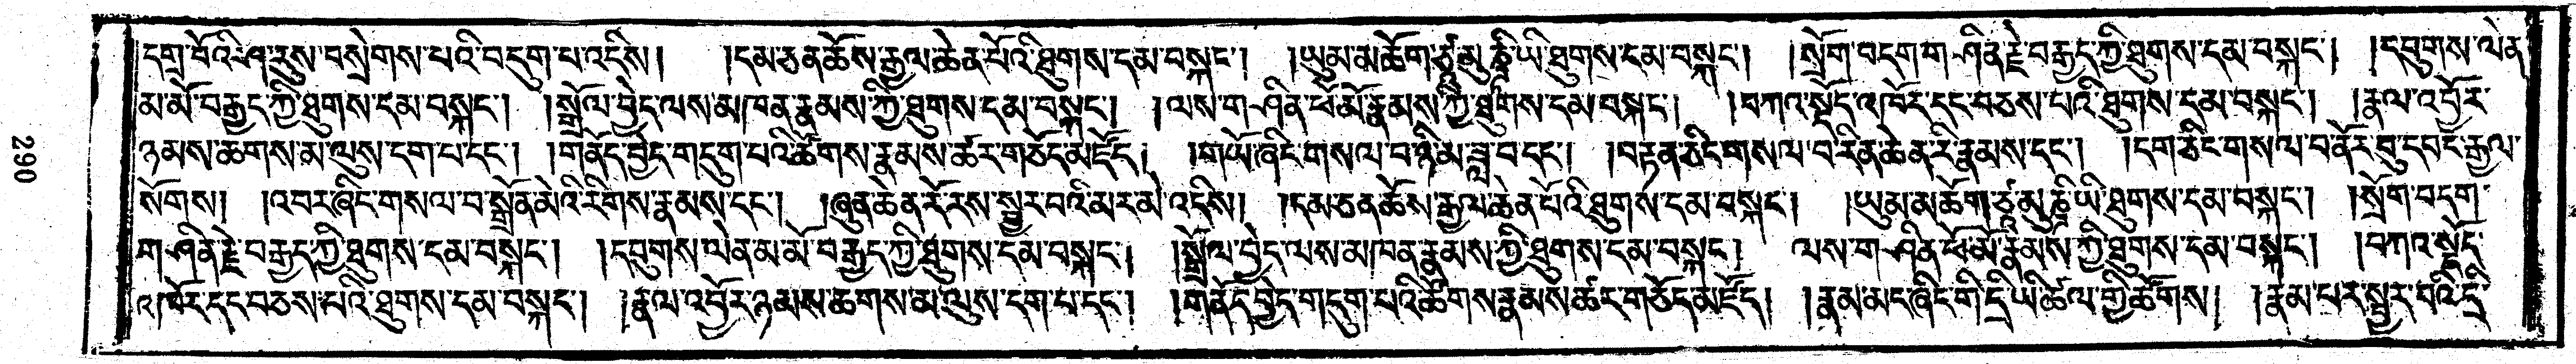དགྲ་བོའི་ཤ་རུས་བསྲེགས་པའི་བདུག་པ་འདིས། །དམ་ཅན་ཆོས་རྒྱལ་ཆེན་པོའི་ཐུགས་དམ་བསྐང་། །ཡུམ་མཆོག་ཙཱ་མུཎྜི་ཡི་ཐུགས་དམ་བསྐང་། །སྲོག་བདག་གཤིན་རྗེ་བརྒྱད་ཀྱི་ཐུགས་དམ་བསྐང་། །དབུགས་ལེན་
མ་མོ་བརྒྱད་ཀྱི་ཐུགས་དམ་བསྐང་། །སྒྲོལ་བྱེད་ལས་མཁན་རྣམས་ཀྱི་ཐུགས་དམ་བསྐང་། །ལས་གཤིན་ཕོ་མོ་རྣམས་ཀྱི་ཐུགས་དམ་བསྐང་། །བཀའ་སྡོད་འཁོར་དང་བཅས་པའི་ཐུགས་དམ་བསྐང་། །རྣལ་འབྱོར་
ཉམས་ཆགས་མ་ལུས་དག་པ་དང་། །གནོད་བྱེད་གདུག་པའི་ཚོགས་རྣམས་ཚར་གཅོད་མཛོད། །གཡོ་ཞིང་གསལ་བ་ཉི་མ་ཟླ་བ་དང་། །བརྟན་ཅིང་གསལ་བ་རིན་ཆེན་རི་རྣམས་དང་། །དག་ཅིང་གསལ་བ་ནོར་བུ་དབང་རྒྱལ་
སོགས། །འབར་ཞིང་གསལ་བ་སྒྲོན་མེའི་རིགས་རྣམས་དང་། །ཞུན་ཆེན་རོ་རས་སྦྱར་བའི་མར་མེ་འདིས། །དམ་ཅན་ཆོས་རྒྱལ་ཆེན་པོའི་ཐུགས་དམ་བསྐང་། །ཡུམ་མཆོག་ཙཱ་མུཎྜི་ཡི་ཐུགས་དམ་བསྐང་། །སྲོག་བདག་
གཤིན་རྗེ་བརྒྱད་ཀྱི་ཐུགས་དམ་བསྐང་། །དབུགས་ལེན་མ་མོ་བརྒྱད་ཀྱི་ཐུགས་དམ་བསྐང་། །སྒྲོལ་བྱེད་ལས་མཁན་རྣམས་ཀྱི་ཐུགས་དམ་བསྐང་། ལས་གཤིན་ཕོ་མོ་རྣམས་ཀྱི་ཐུགས་དམ་བསྐང་། །བཀའ་སྡོད་
འཁོར་དང་བཅས་པའི་ཐུགས་དམ་བསྐང་། །རྣལ་འབྱོར་ཉམས་ཆགས་མ་ལུས་དག་པ་དང་། །གནོད་བྱེད་གདུག་པའི་ཚོགས་རྣམས་ཚར་གཅོད་མཛོད། །རྣམ་མང་ཞིང་གི་དྲི་ཡི་ཚལ་གྱི་ཚོགས། །རྣམ་པར་སྦྱར་བའི་དྲི་